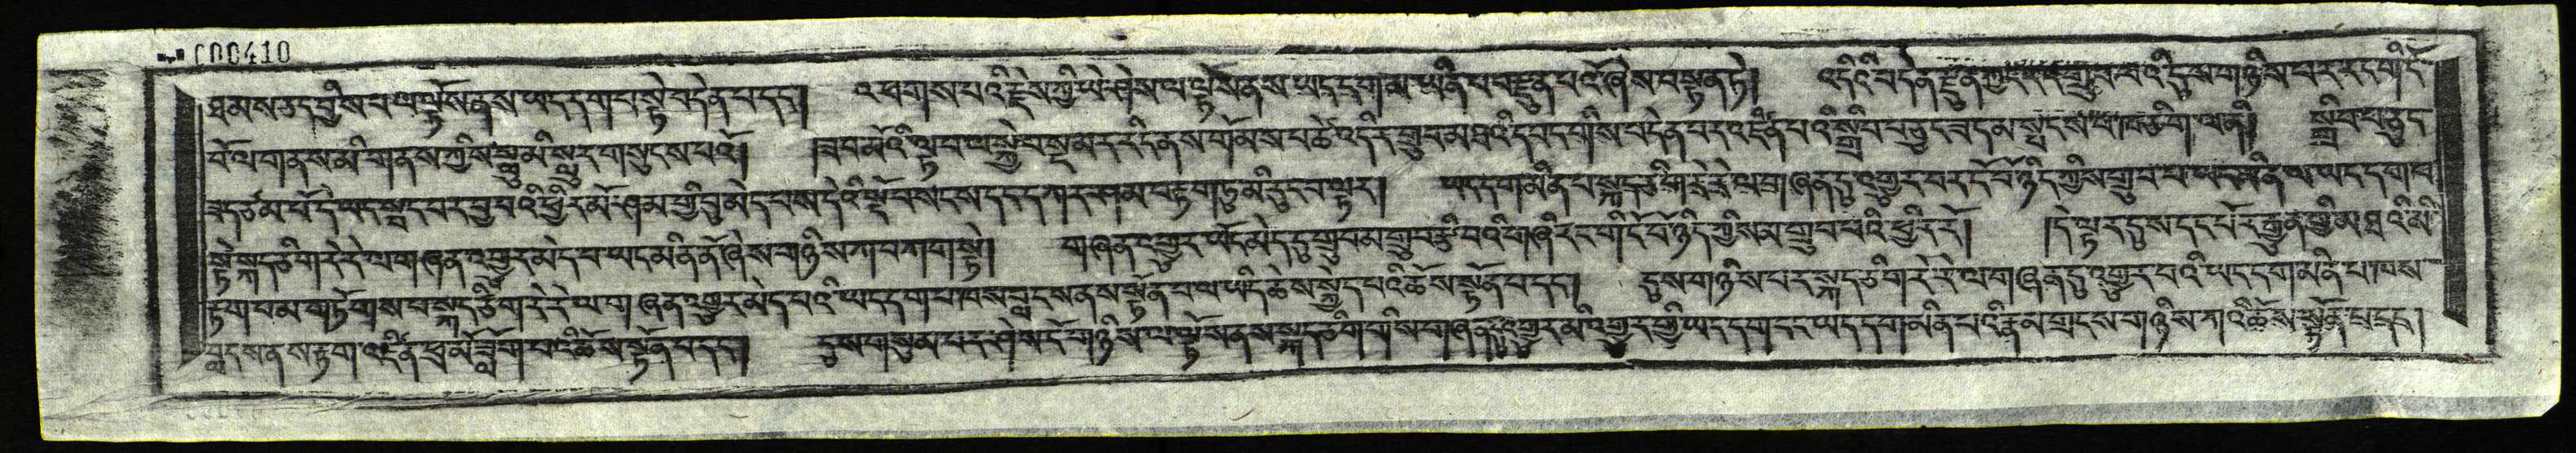ཐམས་ཅད་བྱིས་པ་ལ་ལྟོས་ནས་ཡང་དག་པ་སྟེ་བདེན་པ་དང་། འཕགས་པའི་རྗེས་ཀྱི་ཡེ་ཤེས་ལ་ལྟོས་ནས་ཡང་དག་མ་ཡིན་པ་བརྫུན་པའོ་ཞེས་བསྟན་ཏེ། འདིའི་བདེན་རྫུན་ཀྱང་རང་གྲུབ་པའི་དུས་གཉིས་པར་རང་གི་ངོ་
བོ་ལ་གནས་མི་གནས་ཀྱིས་སླུ་མི་སླུར་གསུངས་པའོ། །ཟབ་མོའི་ལྟ་བ་ལ་སྐྱེ་བ་སྔ་མར་རིང་ནས་གོམས་པ་ཚེ་འདིར་གྲུབ་མཐའི་དབང་གིས་བདེན་པར་འཛིན་པའི་སྒྲིབ་པ་ཅུང་ཟད་མ་སྤངས་པ་ཁ་ཅིག་ལ་ནི། སྒྲིབ་པ་ཅུང་
ཟད་ཙམ་པོ་དེ་ཡང་སྤང་བར་བྱ་བའི་ཕྱིར་མོ་ཤམ་གྱི་བུ་མེད་པས་དེའི་སྔོ་བསངས་དང་དཀར་ཤམ་བརྟག་ཏུ་མི་རུང་བ་ལྟར། ཡང་དག་མིན་པ་སྐད་ཅིག་རེ་རེ་ལ་གཞན་དུ་འགྱུར་བར་ངོ་བོ་ཉིད་ཀྱིས་གྲུབ་པ་ཡང་མིན་ལ་ཡང་དག་པ་
སྟེ་སྐད་ཅིག་རེ་རེ་ལ་གཞན་འགྱུར་མེད་པ་ཡང་མིན་ནོ་ཞེས་གཉིས་ཀ་བཀག་སྟེ། གཞན་འགྱུར་ཡོད་མེད་དུ་གྲུབ་མ་གྲུབ་རྩི་བའི་གཞི་རང་གི་ངོ་བོ་ཉིད་ཀྱིས་མ་གྲུབ་པའི་ཕྱིར་རོ། །དེ་ལྟར་དུས་དང་པོར་རྒྱུན་གྱི་མཐའི་མི་
རྟག་པ་མ་གཏོགས་པ་སྐད་ཅིག་རེ་རེ་ལ་གཞན་འགྱུར་མེད་པའི་ཡང་དག་པ་ཁས་བླངས་ནས་སྟོན་པ་ལ་ཡིད་ཆེས་སྐྱེད་པའི་ཆོས་སྟོན་པ་དང་། དུས་གཉིས་པར་སྐད་ཅིག་རེ་རེ་ལ་གཞན་དུ་འགྱུར་བའི་ཡང་དག་མིན་པ་ཁས་
བླངས་ནས་རྟག་འཛིན་ཕྲ་མོ་ཟློག་པའི་ཆོས་སྟོན་པ་དང་། དུས་གསུམ་པར་ཤེས་ངོ་གཉིས་ལ་ལྟོས་ནས་སྐད་ཅིག་གིས་གཞན་དུ་འགྱུར་མི་འགྱུར་གྱི་ཡང་དག་དང་ཡང་དག་མིན་པའི་རྣམ་གྲངས་གཉིས་ཀའི་ཆོས་སྟོན་པ་དང་།